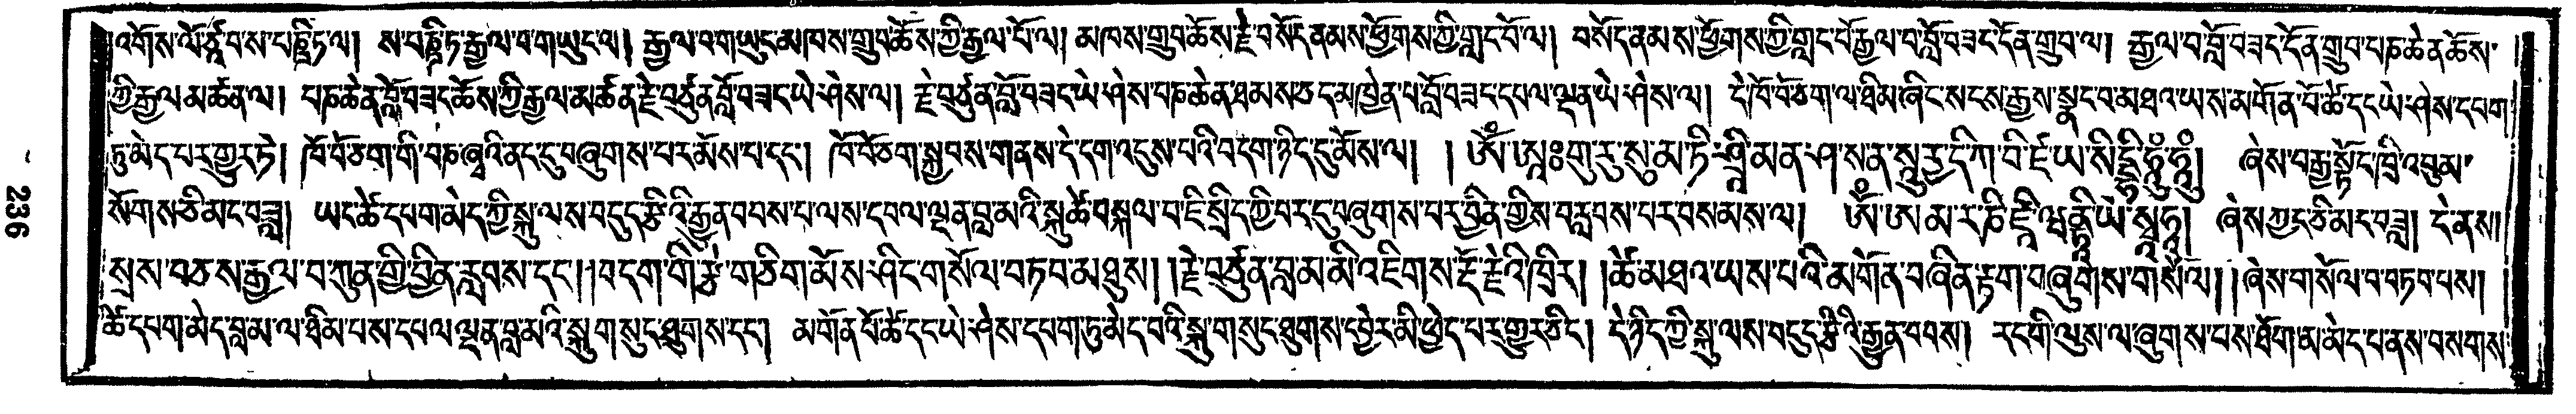འགོས་ལོ་ཙཱ་བ་ས་པཎྜི་ཏ་ལ། ས་པཎྜི་ཏ་རྒྱལ་བ་གཡུང་ལ། རྒྱལ་བ་གཡུང་མཁས་གྲུབ་ཆོས་ཀྱི་རྒྱལ་པོ་ལ། མཁས་གྲུབ་ཆོས་རྗེ་བསོད་ནམས་ཕྱོགས་ཀྱི་གླང་པོ་ལ། བསོད་ནམས་ཕྱོགས་ཀྱི་གླང་པོ་རྒྱལ་བ་བློ་བཟང་དོན་གྲུབ་ལ། རྒྱལ་བ་བློ་བཟང་དོན་གྲུབ་པཎ་ཆེན་ཆོས་
ཀྱི་རྒྱལ་མཚན་ལ། པཎ་ཆེན་བློ་བཟང་ཆོས་ཀྱི་རྒྱལ་མཚན་རྗེ་བཙུན་བློ་བཟང་ཡེ་ཤེས་ལ། རྗེ་བཙུན་བློ་བཟང་ཡེ་ཤེས་པཎ་ཆེན་ཐམས་ཅད་མཁྱེན་པ་བློ་བཟང་དཔལ་ལྡན་ཡེ་ཤེས་ལ། དེ་ཁོ་བོ་ཅག་ལ་ཐིམ་ཞིང་སངས་རྒྱས་སྣང་བ་མཐའ་ཡས་མགོན་པོ་ཚེ་དང་ཡེ་ཤེས་དཔག་
ཏུ་མེད་པར་གྱུར་ཏེ། ཁོ་བོ་ཅག་གི་བཎ་ཞྭའི་ནང་དུ་བཞུགས་པར་མོས་པ་དང་། ཁོ་བོ་ཅག་སྐྱབས་གནས་དེ་དག་འདུས་པའི་བདག་ཉིད་དུ་མོས་ལ། །ཨོཾ་ཨཱཿ གུ་རུ་སུ་མ་ཏི་ཤྲཱི་མན་ཤ་ས་ན་སཱུརྱ་དི་ཀ་བི་ཛ་ཡ་སིདྡྷི་ཧཱུཾ་ཧཱུཾ། ཞེས་བརྒྱ་སྟོང་ཁྲི་འབུམ་
སོགས་ཅི་མང་བཟླ། ཡང་ཚེ་དཔག་མེད་ཀྱི་སྐུ་ལས་བདུད་རྩིའི་རྒྱུན་བབས་པ་ལས་དཔལ་ལྡན་བླ་མའི་སྐུ་ཚེ་བསྐལ་པ་ཇི་སྲིད་ཀྱི་བར་དུ་བཞུགས་པར་བྱིན་གྱིས་བརླབས་པར་བསམས་ལ། ཨོཾ་ཨ་མ་ར་ཎྀ་ཛཱི་ཝནྟཱི་ཡེ་སྭཱཧཱ། ཞེས་ཀྱང་ཅི་མང་བཟླ། དེ་ནས།
སྲས་བཅས་རྒྱལ་བ་ཀུན་གྱི་བྱིན་རླབས་དང་། །བདག་གི་རྩེ་གཅིག་མོས་ཤིང་གསོལ་བཏབ་མཐུས། །རྗེ་བཙུན་བླ་མ་མི་འཇིགས་རྡོ་རྗེའི་ཁྲིར། །ཚེ་མཐའ་ཡས་པའི་མགོན་བཞིན་རྟག་བཞུགས་གསོལ། །ཞེས་གསོལ་བ་བཏབ་པས།
ཚེ་དཔག་མེད་བླ་མ་ལ་ཐིམ་པས་དཔལ་ལྡན་བླ་མའི་སྐུ་གསུང་ཐུགས་དང་། མགོན་པོ་ཚེ་དང་ཡེ་ཤེས་དཔག་ཏུ་མེད་པའི་སྐུ་གསུང་ཐུགས་དབྱེར་མི་ཕྱེད་པར་གྱུར་ཅིང་། དེ་ཉིད་ཀྱི་སྐུ་ལས་བདུད་རྩིའི་རྒྱུན་བབས། རང་གི་ལུས་ལ་ཞུགས་པས་ཐོག་མ་མེད་པ་ནས་བསགས་